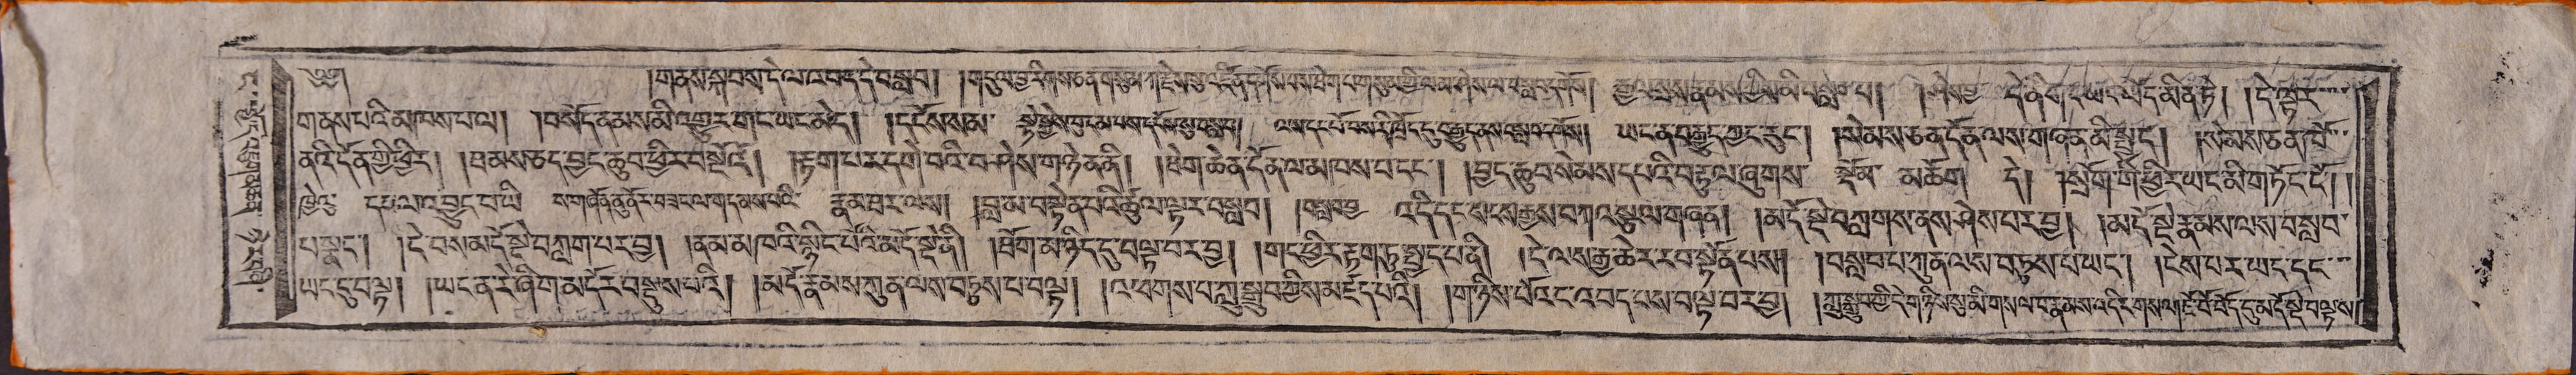༄༅། །གནས་སྐབས་དེ་ལ་འབད་དེ་བསླབ། །གདུལ་བྱ་རིགས་ཅན་གསུམ་ཀ་རྗེས་སུ་འཛིན་དགོས་པས་ཐེག་པ་གསུམ་གྱི་ལམ་ཤེས་ལ་བསླབ་དགོས། རྒྱལ་སྲས་རྣམས་ཀྱིས་མི་བསླབ་པ། །ཤེས་བྱ་དེ་ནི་གང་ཡང་ཡོད་མིན་ཏེ། །དེ་ལྟར་
གནས་པའི་མཁས་པ་ལ། །བསོད་ནམས་མི་འགྱུར་གང་ཡང་མེད། །དངོས་སམ་སྟེ་སྐྱེས་བུ་དམ་པས་དངོས་སུ་བསླབ། ལས་དང་པོ་བས་རི་ཁྲོད་དུ་བརྒྱུད་ནས་བསླབ་དགོས། ཡང་ན་བརྒྱུད་ཀྱང་རུང་། །སེམས་ཅན་དོན་ལས་གྷྯན་མི་སྤྱད། །སེམས་ཅན་ཁོ་
ནའི་དོན་གྱི་ཕྱིར། །ཐམས་ཅད་བྱང་ཆུབ་ཕྱིར་བསྔོའོ། །རྟག་པར་དགེ་བའི་བཤེས་གཉེན་ནི། །ཐེག་ཆེན་དོན་ལ་མཁས་པ་དང་། །བྱང་ཆུབ་སེམས་དཔའི་བརྟུལ་ཞུགས་སྡོམ་མཆོག་དེ། །སྲོག་གི་ཕྱིར་ཡང་མི་གཏོང་ངོ། །
ཁྱེའུ་དཔལ་འབྱུང་བ་ཡི་ས་གཞོན་ནུ་ནོར་བཟང་ལ་གདམས་པའི་རྣམ་ཐར་ལས། །བླ་མ་བསྟེན་པའི་ཚུལ་ལྟར་བསླབ། །བསླབ་བྱ། འདི་དང་སངས་རྒྱས་བཀའ་སྩལ་གཞན། །མདོ་སྡེ་བཀླགས་ནས་ཤེས་པར་བྱ། །མདོ་སྡེ་རྣམས་ལས་བསླབ་
པ་སྣང་། །དེ་བས་མདོ་སྡེ་བཀླག་པར་བྱ། །ནམ་མཁའི་སྙིང་པོའི་མདོ་སྡེ་ནི། །ཐོག་མ་ཉིད་དུ་བལྟ་བར་བྱ། །གང་ཕྱིར་རྟག་ཏུ་སྤྱད་པ་ནི། །དེ་ལས་རྒྱ་ཆེར་རབ་སྟོན་པས། །བསླབ་པ་ཀུན་ལས་བཏུས་པ་ཡང་། །ངེས་པར་ཡང་དང་
ཡང་དུ་བལྟ། །ཡང་ན་རེ་ཞིག་མདོར་བསྡུས་པའི། །མདོ་རྣམས་ཀུན་ལས་བཏུས་པ་བལྟ། །འཕགས་པ་ཀླུ་སྒྲུབ་ཀྱིས་མཛད་པའི། །གཉིས་པོའང་འབད་པས་བལྟ་བར་བྱ། །ཀླུ་སྒྲུབ་ཀྱི་དེ་གཉིས་སུ་མི་གསལ་བ་རྣམས་འདིར་གསལ། ཇོ་བོ་བོད་དུ་མདོ་སྡེ་བལྟས་